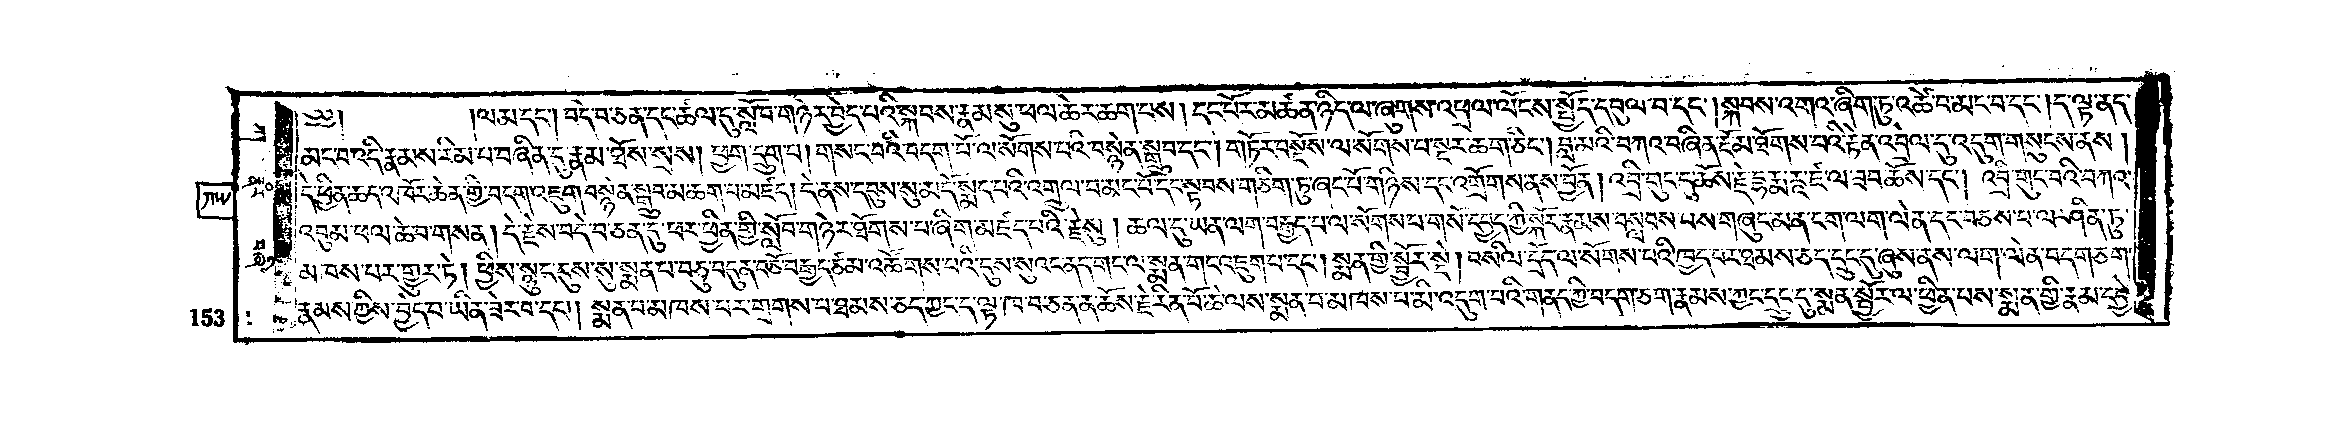༄༅། །ལམ་དང་། བདེ་བ་ཅན་དང་ཚལ་དུ་སློབ་གཉེར་བྱེད་པའི་སྐབས་རྣམས་སུ་ཕལ་ཆེར་ཆག་པས། དང་པོར་མཚན་ཉིད་ལ་ཞུགས་འཕྲལ་ལོངས་སྤྱོད་དབུལ་བ་དང་། སྐབས་འགའ་ཞིག་ཏུ་འཚེ་བ་མང་བ་དང་། ད་ལྟ་ནད་
མང་བ་འདི་རྣམས་རིམ་པ་བཞིན་དུ་རྣམ་ཐོས་སྲས། ཕྱག་དྲུག་པ། གསང་བའི་བདག་པོ་ལ་སོགས་པའི་བསྙེན་སྒྲུབ་དང་། གཏོར་བསྔོས་ལ་སོགས་པ་སྔར་ཆག་ཅིང་། བླ་མའི་བཀའ་བཞིན་རྔོ་མ་ཐོགས་པའི་རྟེན་འབྲེལ་དུ་འདུག་གསུངས་ནས།
དེ་ཕྱིན་ཆད་འཁོར་ཆེན་གྱི་བདག་འཇུག་བསྙེན་སྒྲུབ་མ་ཆག་པ་མཛད། དེ་ནས་དབུས་སུ་མདོ་སྨད་པའི་འགྲུལ་པ་མང་པོ་དང་སྟབས་གཅིག་ཏུ་ཞང་པོ་གཉིས་དང་འགྲོགས་ནས་བྱོན། འབྲི་གུང་དུ་ཆོས་རྗེ་དྷརྨ་རཱ་ཛ་ལ་ཟབ་ཆོས་དང་། འབྲི་གུང་བའི་བཀའ་
འབུམ་ཕལ་ཆེ་བ་གསན། དེ་རྗེས་བདེ་བ་ཅན་དུ་ཕར་ཕྱིན་གྱི་སློབ་གཉེར་ཐོགས་པ་ཞིག་མཛད་པའི་རྗེས་སུ། ཆལ་དུ་ཡན་ལག་བརྒྱད་པ་ལ་སོགས་པ་གསོ་དཔྱད་ཀྱི་སྐོར་རྣམས་བསླབས་པས་གཞུང་མན་ངག་ལག་ལེན་དང་བཅས་པ་ལ་ཤིན་ཏུ་
མཁས་པར་གྱུར་ཏེ། ཕྱིས་སྙུང་དུས་སུ་སྨན་པ་བཅུ་བདུན་བཅོ་བརྒྱད་ཙམ་འཚོགས་པའི་དུས་སུའང་ནད་གང་ལ་སྨན་གང་འཇུག་པ་དང་། སྨན་གྱི་སྦྱོར་སྡེ། བསིལ་དྲོད་ལ་སོགས་པའི་ཁྱད་པར་ཐམས་ཅད་དྲུང་དུ་ཞུས་ནས་ལག་ལེན་བདག་ཅག་
རྣམས་ཀྱིས་བྱེད་བ་ཡིན་ཟེར་བ་དང་། སྨན་པ་མཁས་པར་གྲགས་པ་ཐམས་ཅད་ཀྱང་ད་ལྟ་ཁ་བ་ཅན་ན་ཆོས་རྗེ་རིན་པོ་ཆེ་ལས་སྨན་པ་མཁས་པ་མི་འདུག་པའི་གནད་ཀྱི་བདག་ཅག་རྣམས་ཀྱང་དྲུང་དུ་སྨན་སྦྱོར་ལ་ཕྱིན་པས་སྨན་གྱི་རྣམ་དབྱེ་